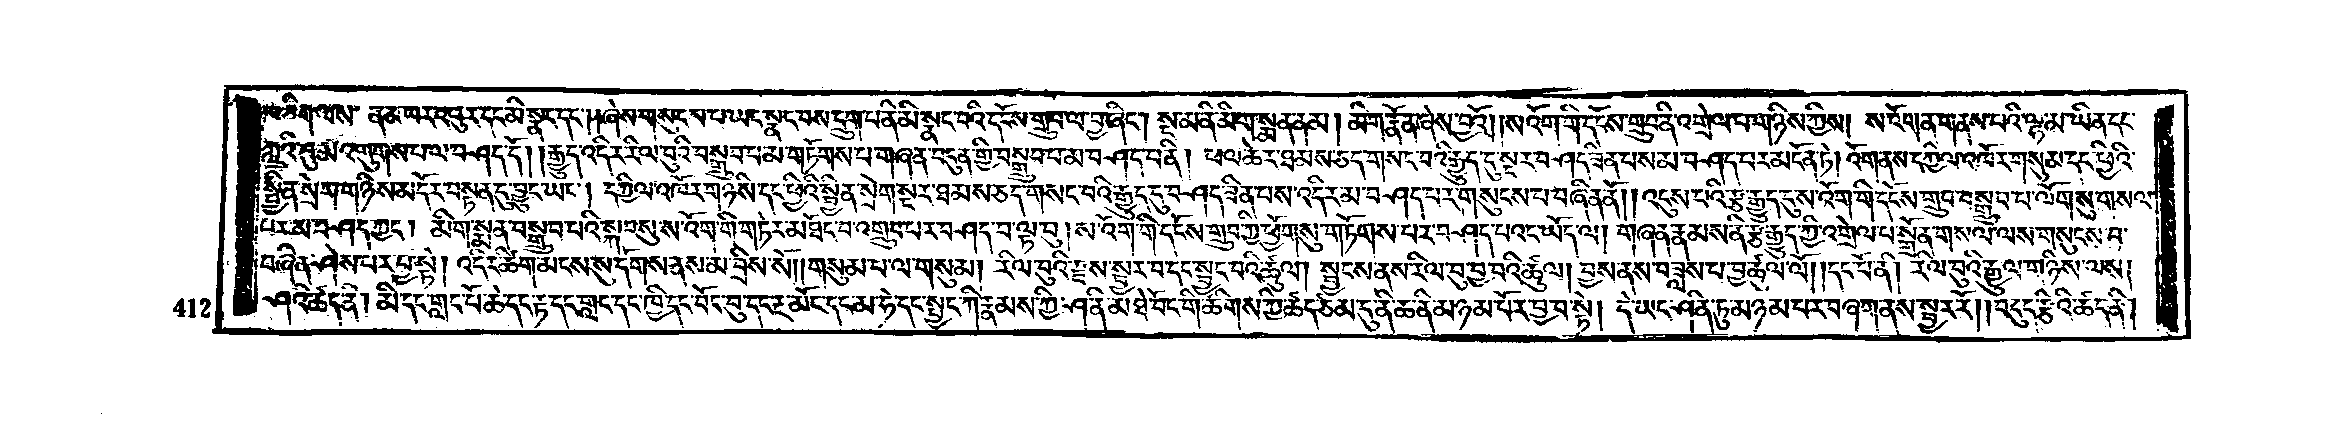ཁ་ཅིག་ལས། ནམ་མཁར་འདུར་དང་མི་སྣང་དང་། །ཞེས་གསུངས་པ་ཡང་སྣང་བས་དྲུག་པ་ནི་མི་སྣང་བའི་དངོས་གྲུབ་ལ་བྱ་ཞིང་། སྔ་མ་ནི་མིག་སྨན་ནམ། མིག་རྣོན་ཞེས་བྱའོ། །ས་འོག་གི་དངོས་གྲུབ་ནི་འགྲེལ་པ་གཉིས་ཀྱིས། ས་འོག་ན་གནས་པའི་ལྷ་མ་ཡིན་དང་
ཀླུའི་བུ་མོ་འགུགས་པ་ལ་བཤད་དོ། །རྒྱུད་འདིར་རིལ་བུའི་བསྒྲུབ་པ་མ་གཏོགས་པ་གཞན་བདུན་གྱི་བསྒྲུབ་པ་མ་བཤད་པ་ནི། ཕལ་ཆེར་ཐམས་ཅད་གསང་བའི་རྒྱུད་དུ་སྔར་བཤད་ཟིན་པས་མ་བཤད་པར་མངོན་ཏེ། འོག་ནས་དཀྱིལ་འཁོར་གསུམ་དང་ཕྱིའི་
སྦྱིན་སྡེག་གཉིས་མདོར་བསྟན་དུ་བྱུང་ཡང་། དཀྱིལ་འཁོར་གཉིས་དང་ཕྱིའི་སྦྱིན་སྲེག་སྔར་ཐམས་ཅད་གསང་བའི་རྒྱུད་དུ་བཤད་ཟིན་པས་འདིར་མ་བཤད་པར་གསུངས་པ་བཞིན་ནོ། །འདུས་པའི་རྩ་རྒྱུད་དུ་ས་འོག་གི་དངོས་གྲུབ་བསྒྲུབ་པ་ལོགས་སུ་གསལ་
བར་མ་བཤད་ཀྱང་། མིག་སྨན་བསྒྲུབ་པའི་སྐབས་སུ་ས་འོག་གི་གཏེར་མཐོང་བ་འགྲུབ་པར་བཤད་པ་ལྟ་བུ། ས་འོག་གི་དངོས་གྲུབ་ཀྱི་ཕྱོགས་སུ་གཏོགས་པར་བཤད་པའང་ཡོད་ལ། གཞན་རྣམས་ནི་རྩ་རྒྱུད་ཀྱི་འགྲེལ་པ་སྒྲོན་གསལ་ལས་གསུངས་པ་
བཞིན་ཤེས་པར་བྱ་སྟེ། འདིར་ཚིག་མངས་སུ་དོགས་ནས་མ་བྲིས་སོ། །གསུམ་པ་ལ་གསུམ། རིལ་བུའི་རྫས་སྦྱར་བ་དང་སྦྱང་བའི་ཚུལ། སྦྱངས་ནས་རིལ་བུ་བྱ་བའི་ཚུལ། བྱས་ནས་བཟླས་པ་བྱ་ཚུལ་ལོ། །དང་པོ་ནི། རིལ་བུའི་རྒྱུལ་གཉིས་ལས།
ཤའི་ཆེད་ནི། མི་དང་གླང་པོ་ཆེ་དང་རྟ་དང་གླང་དང་ཁྱི་དང་བོང་བུ་དང་རྔ་མོང་དང་མ་ཧེ་དང་སྤྱང་ཀི་རྣམས་ཀྱི་ཤ་ནི་མཐེ་བོང་གི་ཚིགས་ཀྱི་ཚད་ཙམ་དུ་ནི་ཆ་ནི་མཉམ་པོར་བྱ་བ་སྟེ། དེ་ཡང་ཤིན་ཏུ་མཉམ་པར་བཞག་ནས་སྦྱར་རོ། །བདུད་རྩིའི་ཚད་ནི།